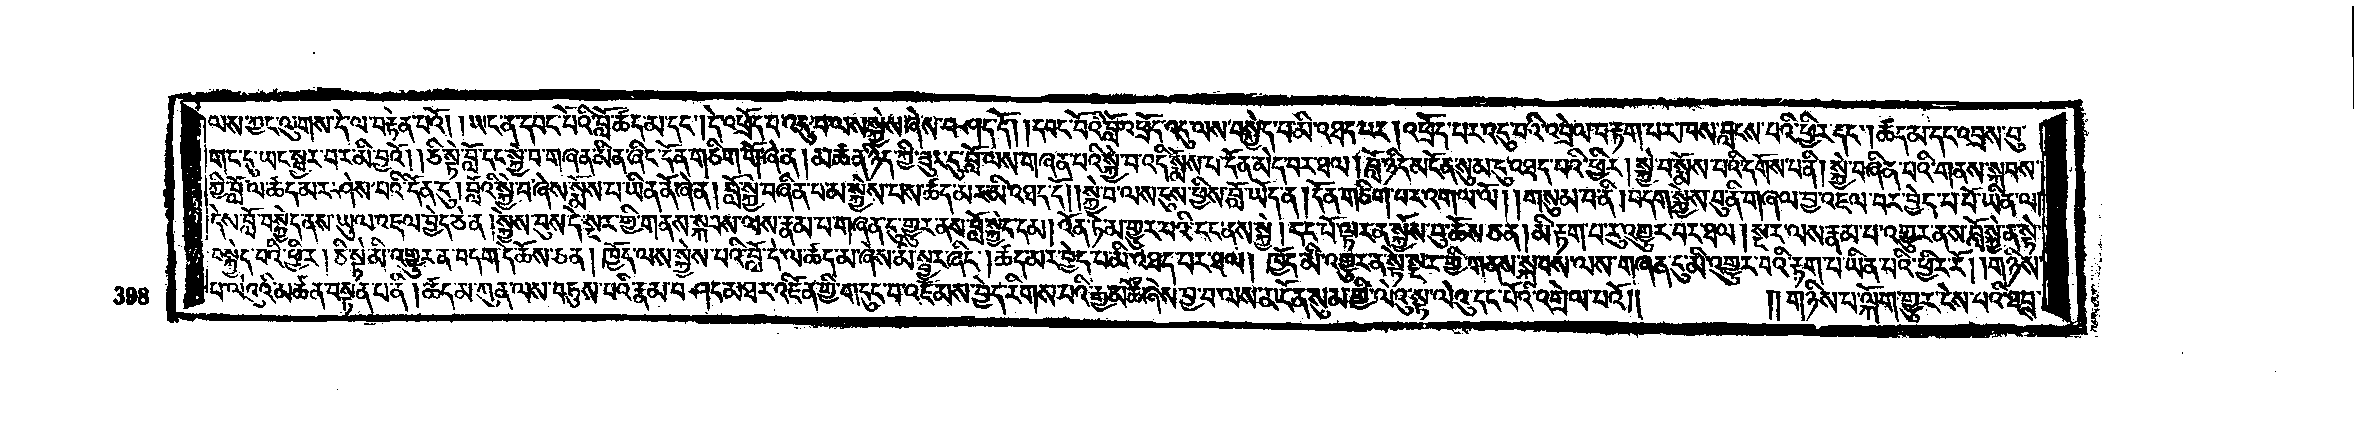ལས་ཀྱང་ལུགས་དེ་ལ་བརྟེན་པའོ། །ཡང་ན་དབང་པོའི་བློ་ཚད་མ་དང་། དེ་འཕྲོད་པ་འདུ་བ་ལས་སྐྱེས་ཞེས་བཤད་དོ། །དབང་པོའི་བློ་འཕྲོད་འདུ་ལས་བསྐྱེད་པ་མི་འཐད་པར། འཕྲོད་པར་འདུ་བའི་འབྲེལ་བ་རྟག་པར་ཁས་བླངས་པའི་ཕྱིར་དང་། ཚད་མ་དང་འབྲས་བུ་
གང་དུ་ཡང་སྦྱར་བར་མི་བྱའོ། །ཅི་སྟེ་བློ་དང་སྐྱེ་བ་གཞན་མིན་ཞིང་དོན་གཅིག་གོ་ཞེ་ན། མཚན་ཉིད་ཀྱི་ཟུར་དུ་བློ་ལས་གཞན་པའི་སྐྱེ་བ་འདི་སྨོས་པ་དོན་མེད་པར་ཐ། བློ་ཉིད་མངོན་སུམ་དུ་འཐད་པའི་ཕྱིར། སྐྱེ་བ་སྨོས་པའི་དགོས་པ་ནི། སྐྱེ་བཞིན་པའི་གནས་སྐབས་
ཀྱི་བློ་ལ་ཚད་མར་ཤེས་པའི་དོན་དུ། བློའི་སྐྱེ་བ་ཞེས་སྨོས་པ་ཡིན་ནོ་ཞེ་ན། བློ་སྐྱེ་བཞི་པ་མ་སྐྱེས་པས་ཚད་མར་མི་འཐད་དོ། །སྐྱེ་བ་ལས་དུས་ཕྱིས་བློ་ཡོད་ན། དོན་གཅིག་པར་འགལ་ལོ། །གསུམ་པ་ནི། བདག་སྐྱེས་བུ་ནི་གཞལ་བྱ་འཇལ་བར་བྱེད་པ་པོ་ཡིན་ལ།
དེས་བློ་བསྐྱེད་ནས་ཡུལ་འཇལ་བྱེད་ཅེ་ན། སྐྱེས་བུས་དེ་སྔར་གྱི་གནས་སྐབས་ལས་རྣམ་པ་གཞན་དུ་གྱུར་ནས་བློ་སྐྱེད་དམ། འོན་ཏེ་མ་གྱུར་པའི་ངང་ནས་སྐྱེ། དང་པོ་ལྟར་ན་སྐྱོས་བུ་ཆོད་དན། མི་རྟག་པ་རུ་འགྱུར་བར་ཐལ། སྔར་ལས་རྣམ་པ་འགྱུར་ནས་བློ་སྐྱེ་ན་སྟེ་
བསྐྱེད་པའི་ཕྱིར། ཅི་སྟེ་མི་འགྱུར་ན་བདག་དེ་ཆོས་ཅན། ཁྱོད་ལས་སྐྱེས་པའི་བློ་དེ་ལ་ཚད་མ་ཞེས་མ་སྦྱར་ཞིང་། ཚད་མར་བྱེད་པ་མི་འཐད་པར་ཐལ། ཁྱད་མི་འགྱུར་ན་སྟེ་སྔར་གྱི་གནས་སྐབས་ལས་གཞན་དུ་མི་འགྱུར་བའི་རྟག་པ་ཡིན་པའི་ཕྱིར་རོ། །གཉིས་
པ་ལེའུའི་མཚན་བསྟན་པ་ཨི། ཚད་མ་ཀུན་ལས་བཏུས་བཏུས་པའི་རྣམ་བཤད་མཐར་འཛིན་གྱི་གདུང་བ་འཇོམས་བྱེད་རིགས་པའི་རྒྱ་མཚོ་ཞེས་བྱ་བ་ལས་མངོན་སུམ་གྱི་ལེའུ་སྟེ་ལེའུ་དང་པོའི་འགྲེལ་པའོ།། །།གཉིས་པ་ལྐོག་གྱུར་ངེས་པའི་ཐབས་